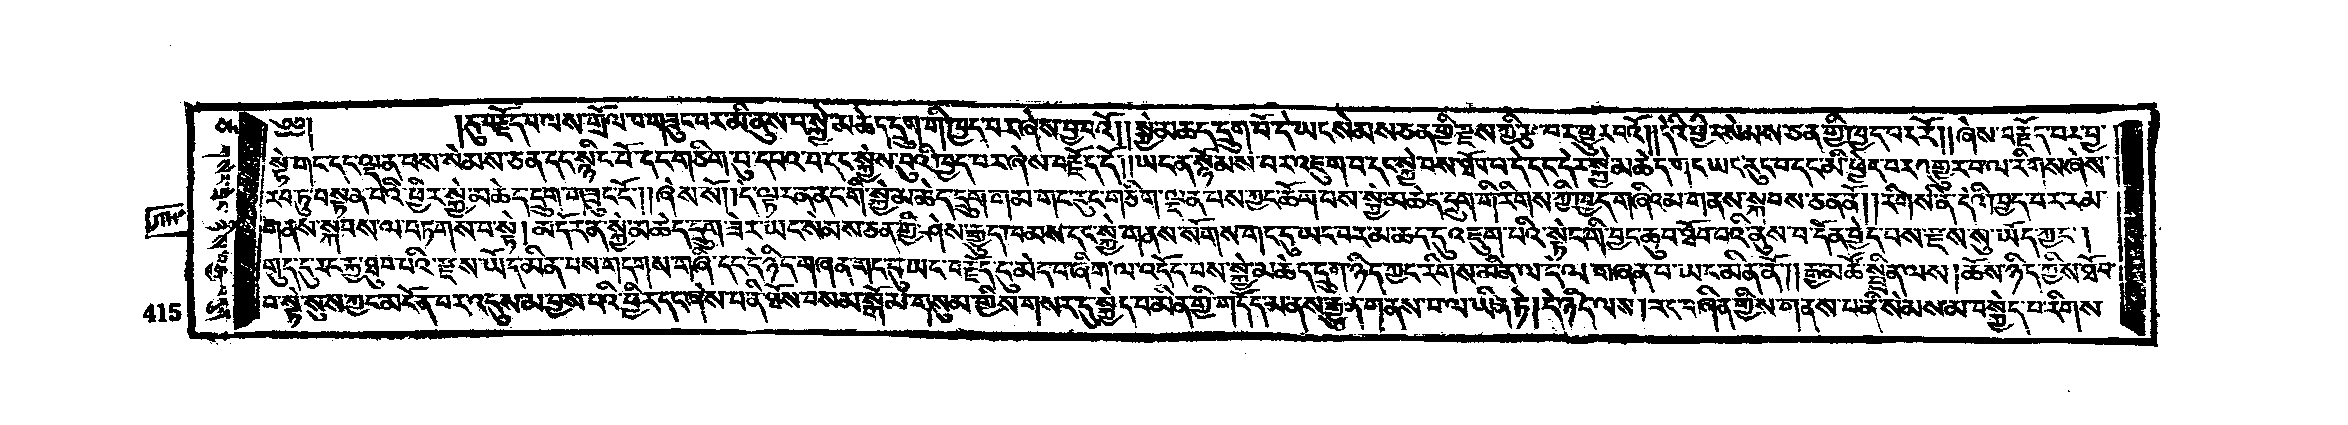༄༅། །དུ་བརྗོད་པ་ལས་གྲོལ་བ་གཟུང་བར་མི་ནུས་བ་སྐྱེ་མཆེད་དྲུག་གི་ཁྱད་པར་ཞེས་བྱ་བའོ། །སྐྱེ་མཆེད་དྲུག་པོ་དེ་ཡང་སེམས་ཅན་གྱི་རྫས་ཀྱི་རྩ་བར་གྱུར་བའོ། །དེའི་ཕྱིར་སེམས་ཅན་གྱི་ཁྱད་པར་རོ། །ཞེས་བརྗོད་པར་བྱ་
སྟེ་གང་དང་ལྡན་པས་སེམས་ཅན་དང་སྙིང་པོ་དང་གཅིག་པུ་དཔའ་བ་དང་སྐྱེས་བུའི་ཁྱད་པར་ཞེས་བརྗོད་དོ། །ཡང་ན་སྙོམས་པར་འཇུག་པ་དང་སྐྱེ་བས་ཐོབ་པ་དེ་དང་དེར་སྐྱེ་མཆེད་གང་ཡང་རུང་བ་དང་མི་ཕྱེད་པར་འགྱུར་བ་ལ་རིགས་ཞེས་
རབ་ཏུ་བསྟན་པའི་ཕྱིར་སྐྱེ་མཆེད་དྲུག་གཟུང་ངོ། །ཞེས་སོ། །དེ་ལྟར་ན་ནང་གི་སྐྱེ་མཆེད་དྲུག་གམ་གང་རུང་གཅིག་ལྡན་པས་ཀྱང་ཆོག་པས་སྐྱེ་མཆེད་དྲུག་གི་རིགས་ཀྱི་ཁྱད་གཞིའམ་གནས་སྐབས་ཅན་ནོ། །རིགས་ནི་དེའི་ཁྱད་པར་རམ་
གནས་སྐབས་ལ་བཏགས་པ་སྟེ། མདོར་ན་སྐྱེ་མཆེད་དྲུག་ཟེར་ཡང་སེམས་ཅན་གྱི་ཤེས་རྒྱུད་ཁམས་དང་སྐྱེ་གནས་སོགས་གང་དུ་ཡང་བར་མ་ཆད་དུ་འཇུག་པའི་སྟེང་གི་བྱང་ཆུབ་ཐོབ་པའི་ནུས་པ་དོན་བྱེད་པས་རྫས་སུ་ཡོད་ཀྱང་།
གུད་དུ་རང་རྐྱ་ཐུབ་པའི་རྫས་ཡོད་མིན་པས་གདགས་གཞི་དང་དེ་ཉིད་གཞན་གང་དུ་ཡང་བརྗོད་དུ་མེད་པ་ཞིག་ལ་འདོད་པས་སྐྱེ་མཆེད་དྲུག་ཉིད་ཀྱང་རིགས་མིན་ལ་དེ་ལ་གཞན་པ་ཡང་མིན་ནོ། །རྒྱ་མཚོ་སྤྲིན་ལས། ཆོས་ཉིད་ཀྱིས་ཐོབ་
པ་སྟེ་སུས་ཀྱང་མངོན་པར་འདུས་མ་བྱས་པའི་ཕྱིར་དང་ཞེས་པ་ནི་ཐོས་བསམ་སྒོམ་གསུམ་གྱིས་གསར་དུ་སྐྱེད་པ་མིན་གྱི་གདོད་མ་ནས་རྒྱུན་གནས་པ་ལ་ཡིན་ཏེ། དེ་ཉིད་ལས། རང་བཞིན་གྱིས་གནས་པ་ནི་སེམས་མ་བསྐྱེད་པ་རིགས་